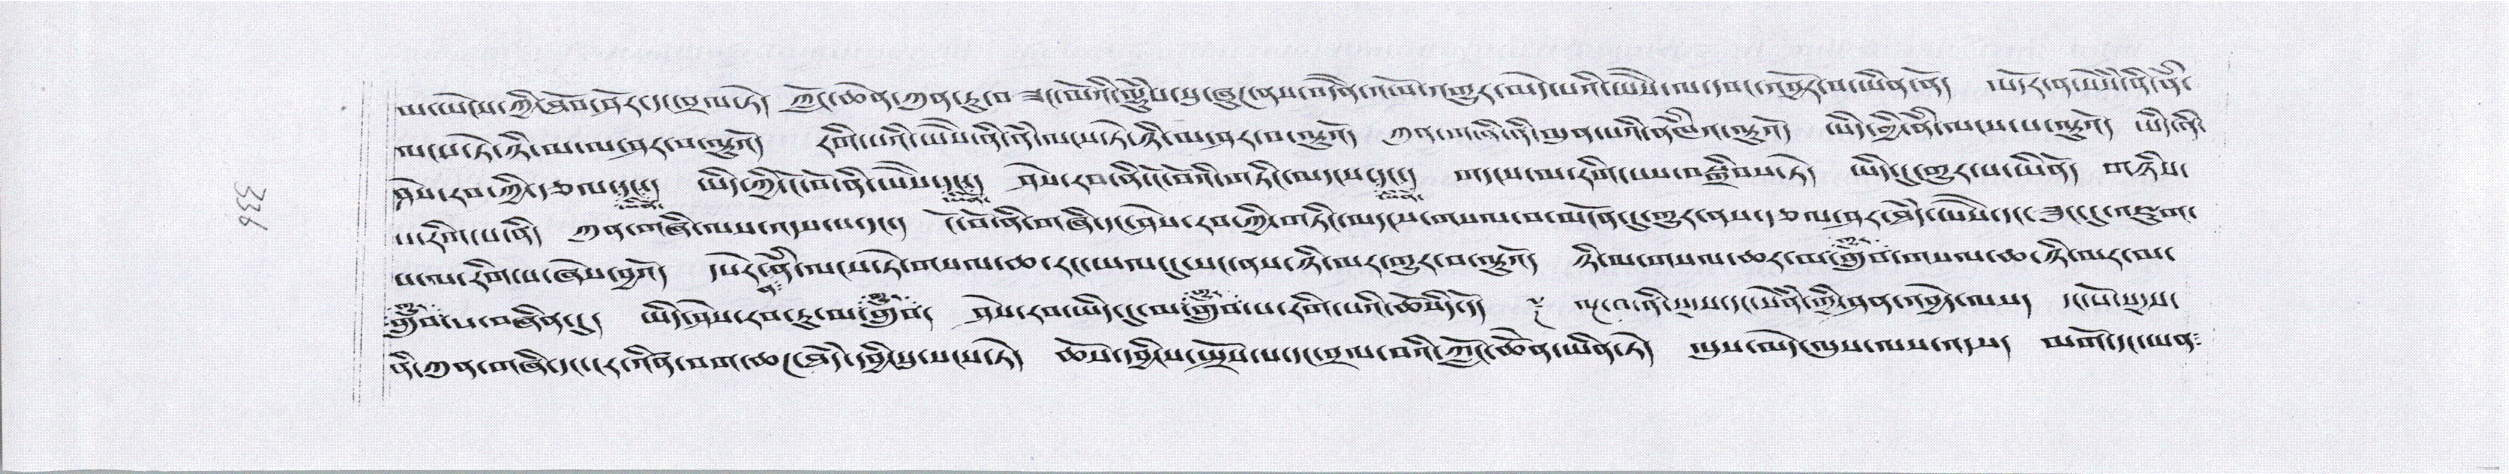མ་ཡེངས་ཀྱི་ཐོབ་ཤོར་དང་བྲལ་ཏེ། ཀློང་ཆེན་ཀུན་ཏུ་བཟང་པོའི་ལྷུམས་སུ་ཞུགས་ནས་བདེ་ཆེན་འཕོ་འགྱུར་མེད་པའི་ཡེ་ཤེས་ལ་དབང་འབྱོར་བ་ཡིན་ནོ། མདོར་ན་སེམས་ནི་ནམ་
ལངས་ཏེ་ཉི་མ་མ་ཤར་བ་ལྟ་བུའོ། རིག་པའི་ཡེ་ཤེས་ནི་ནམ་ལངས་ཏེ་ཉི་མ་ཤར་བ་ལྟ་བུའོ། ཀུན་གཞི་ནི་མུན་པའི་ནམ་མཁའ་ལྟ་བུའོ། ཡིད་ཀྱི་ནམ་ལངས་པ་ལྟ་བུའོ། ཡིད་ནི་
ཤེས་རབ་ཀྱི་རྩལ་ཡིན། ཡིད་ཀྱི་ངོ་བོ་ནི་ཡེ་ཤེས་ཡིན། ཤེས་རབ་ནི་ངོ་བོའི་གཏིང་མདངས་ཡིན། གདངས་མ་རིག་པས་བསྒྲིབས་ཏེ། ཡིད་དུ་གྱུར་པ་ཡིན་ནོ། གཉིས་
པ་རིག་པ་ནི། ཀུན་གཞི་ལས་འདས་པ་དང། ངོ་བོ་ནི་གཞི་དང་ཤེས་རབ་ཀྱི་གཏིང་མདངས་གསལ་མངོན་དུ་གྱུར་ནས་རྩལ་ཤར་ཐམས་ཅད་ཡེ་ཤེས་དང་ཟུང་དུ་འཇུག་
པ་ལ་རིག་པ་ཞེས་བྱའོ། དཔེར་ན་ནམ་ལངས་ཏེ་གསལ་ཆ་རང་ཡལ་དུ་སང་ནས་ཉི་མར་གྱུར་བ་ལྟ་བུའོ། ཉི་མ་གསལ་ཆར་མ་གྲུབ་གསལ་ཆ་ཉི་མར་མ་
གྱུར་པ་བཞིན་དུ། ཡིད་ཤེས་རབ་ཏུ་མ་གྱུར། ཤེས་རབ་ཡིད་དུ་མ་གྱུར་པ་རིག་པའི་ཆོས་ཉིད་དོ། ༑ ལྔ་པ་ནི་སངས་རྒྱས་དང་སེམས་ཅན་གྱི་ཤན་འབྱེད་ལས། དང་པོ་སངས་རྒྱས་
ནི་ཀུན་གཞི་དང་ངར་འཛིན་བག་ཆགས་ཐམས་ཅད་དབྱིངས་སུ་སངས་ཏེ། ཆོས་དབྱིངས་སྤྲོས་པ་དང་བྲལ་བའི་ཀློང་ཆེན་པོ་ཡིན་ཏེ། ལུས་མེད་ལུས་ལས་འདས། མགོ་དང་ཡན་